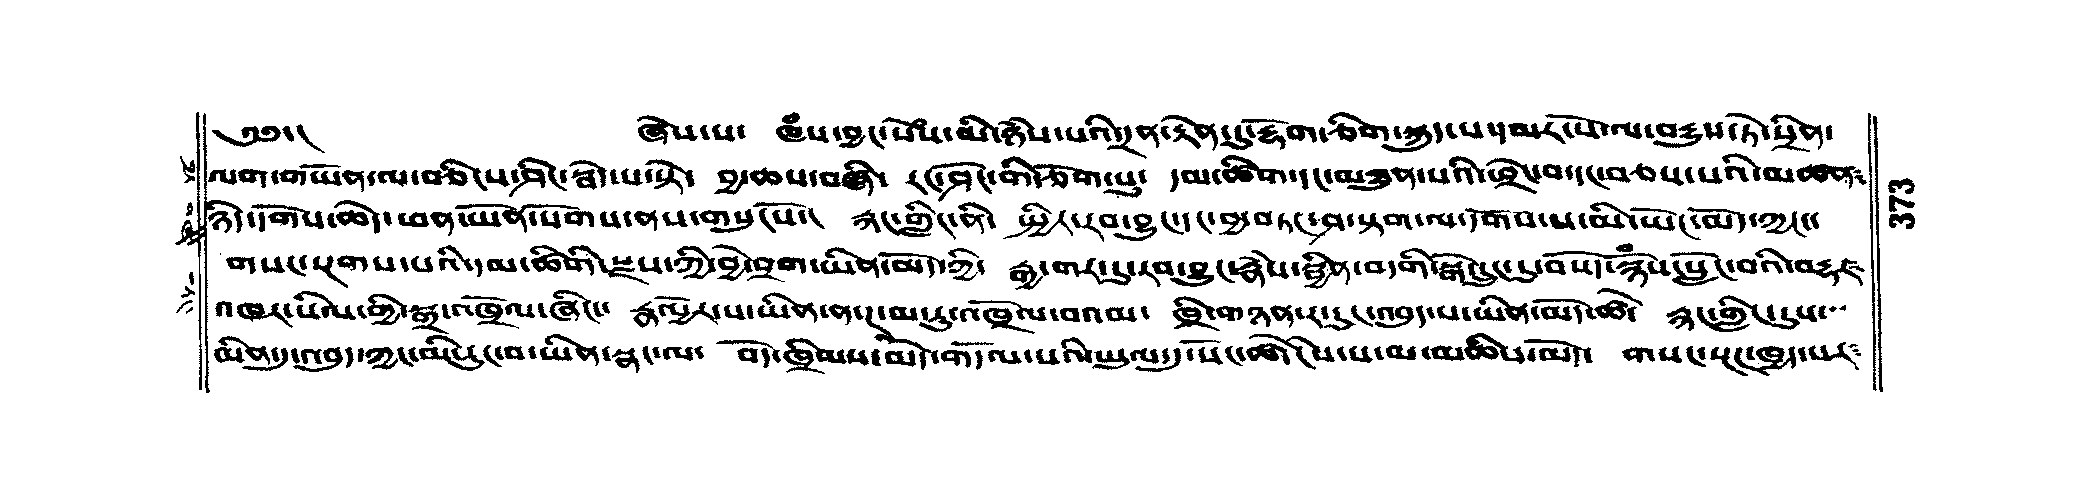ཞེས་པ། ཁམས་བྱང་སེམས་མི་ཉམས་པའི་དྲན་རྟེན་དུ་རྡོག་ཅིག་སྐུད་པ་དམར་པོ་ལ་བརྒྱུས་ཏེ་སྲིན་
ལག་གཡོན་ལ་བཅིངས་ཤིང་སྦེད་པ་སྟེ།བྱ་ཆས་བཞི། རང་ཤོང་གི་ཅོག་པུ། དམ་ཚིག་དང་མཐུན་པའི་ཕྲེང་བ་དང་བཅས་པའི་མཚན་
ཉིད་དགོས་ཆེད་ཕན་ཡོན་སོགས་ནས་གསུངས་སོ། རྐང་གླིང་ནི། སྤྱིར་རབ་བྱུང་དང་བྱ་བཏང་ཤ་སྲག་ལ་དགོས་པ་མི་ཡོང་མོད་ཀྱང་། 
གསང་སྔགས་པའི་དམ་ཚིག་གི་རྫས་ཀྱི་བྱེ་བྲག་ཡིན་མོད་ཀྱ། རྒྱ་གར་དུ་རབ་བྱུང་རྣམས་སྦྱིན་བདག་གི་སྒོ་དྲུང་དུ་བསོད་སྙོམས་སློང་བའི་བརྡ་
འཁར་སིལ་གྱི་སྒྲ་འཁྲོལ་ཞིང་། རྣལ་འབྱོར་ས་ཡིན་ན་ཌཱ་མ་རུ་འཁྲོལ་བའམ། ཁྲི་གཉན་ར་དུང་འབུད་པ་ཡིན་མོད་ཚེ། རྐང་གླིང་དུས་
མིན་དུ་འདབུད་ཀྱང་མི་རུང་བ་ཡིན་སྣང་ལ། བོད་ཁྲིམས་མེད་གདོལ་པའི་ཡུལ་དུ་སོང་ཚེ་ངེས་པ་མ་མཆིས་མོད། གསང་སྔགས་ཁྱད་པར་